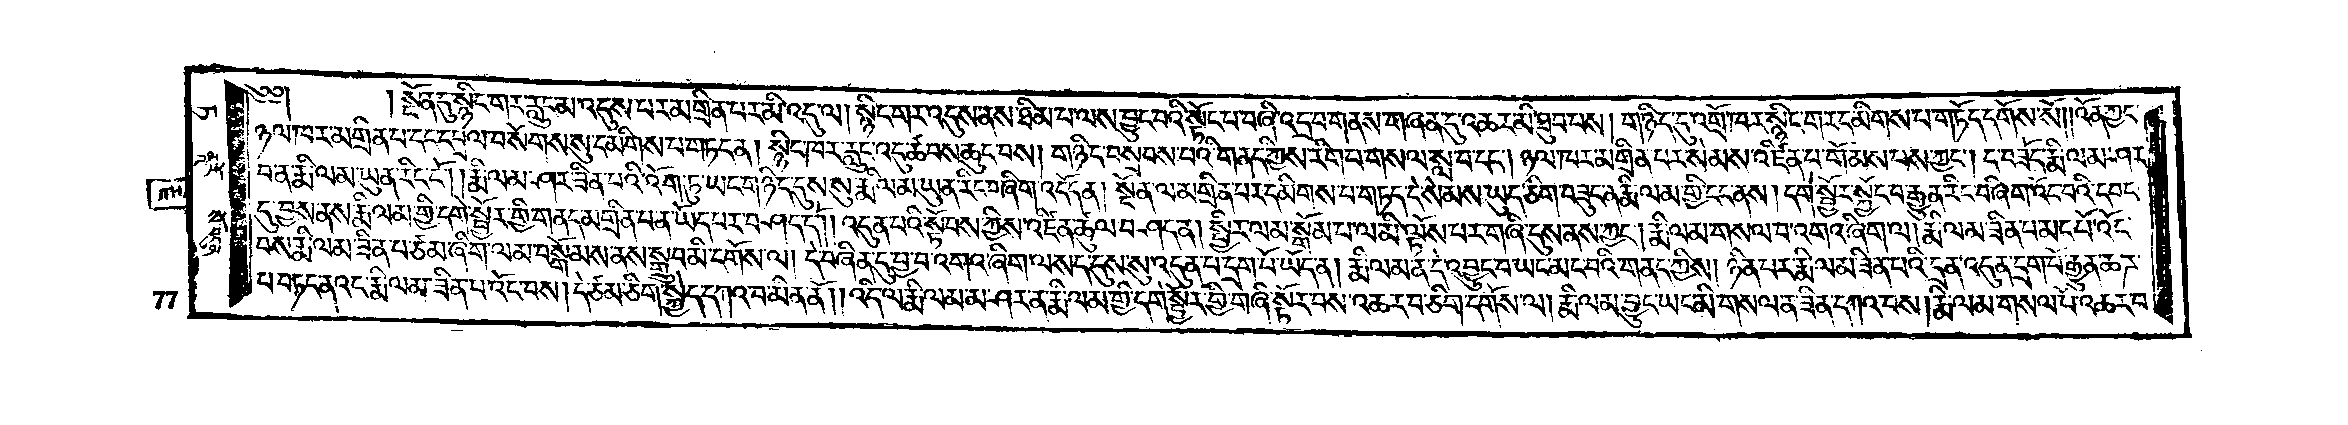༄༅། །སྔོན་དུ་སྙིང་གར་རླུང་མ་འདུས་པར་མགྲིན་པར་མི་འདུ་ལ། སྙིང་གར་འདུས་ནས་ཐིམ་པ་ལས་བྱུང་བའི་སྟོང་པ་བཞི་འདྲ་བ་གནས་གཞན་དུ་འཆར་མི་ཐུབ་པས། གཉིད་དུ་འགྲོ་ཁར་སྙིང་གར་དམིགས་པ་གཏོད་དགོས་སོ། །འོན་ཀྱང་
ཉལ་ཁར་མགྲིན་པ་དང་དཔྲལ་བ་སོགས་སུ་དམིགས་པ་གཏང་ན། སྙིང་ཁར་རླུང་འདུ་ཚབས་ཆུང་བས། གཉིད་བསྲབས་པའི་གནད་ཀྱིས་རིག་པ་གསལ་སླ་བ་དང་། ཉལ་ཁར་མགྲིན་པར་སེམས་འཛིན་པ་གོམས་པས་ཀྱང་། ད་བཟོད་རྨི་ལམ་ཤར་
བ་ན་རྨི་ལམ་ཡུན་རིང་ངོ། །རྨི་ལམ་ཤར་ཟིན་པའི་འོག་ཏུ་ཡང་གཉིད་དུས་སུ་རྨི་ལམ་ཡུན་རིང་བ་ཞིག་འདོད་ན། སྔོན་ལ་མགྲིན་པར་དམིགས་པ་གཏད་དེ་སེམས་ཡུད་ཅིག་བཟུང་ན་རྨི་ལམ་གྱི་ངང་ནས། དགེ་སྦྱོར་སྐྱོང་བ་རྒྱུན་རིང་བ་ཞིག་འོང་བའི་དབང་
དུ་བྱས་ནས་རྨི་ལམ་གྱི་དགེ་སྦྱོར་གྱི་གནད་མགྲིན་པ་ན་ཡོད་པར་བཤད་དོ། །འདུན་པའི་སྟོབས་ཀྱིས་འཛིན་ཚུལ་བཤད་ན། སྤྱིར་ལམ་སྒོམ་པ་ལ་མི་ལྟོས་པར་གཞི་དུས་ནས་ཀྱང་། རྨི་ལམ་གསལ་བ་འགའ་ཞིག་ལ། རྨི་ལམ་ཟིན་པ་མང་པོ་འོང་བས་རྨི་ལམ་ཟིན་པ་ཙམ་ཞིག་ལམ་བསྒོམས་ནས་སྒྲུབ་མི་དགོས་ལ། དེ་བཞིན་དུ་བྱ་བ་འགའ་ཞིག་ལ་སད་དུས་སུ་འདུན་པ་དྲག་པོ་ཡོད་ན། རྨི་ལམ་ན་དེ་འབྱུང་བ་ཡང་མང་བའི་གནད་ཀྱིས། ཉིན་པར་རྨི་ལམ་ཟིན་པའི་དྲན་འདུན་དྲག་པོ་རྒྱུན་ཆགས་
པ་བཏང་ནའང་རྨི་ལམ་ཟིན་པ་འོང་བས། དེ་ཙམ་ཅིག་སྐྱེད་དཀའ་བ་མིན་ནོ། །འདི་ལ་རྨི་ལམ་མ་ཤར་ན་རྨི་ལམ་གྱི་དགེ་སྦྱོར་གྱི་གཞི་སྟོར་བས་འཆར་བ་ཅིག་དགོས་ལ། རྨི་ལམ་བྱུང་ཡང་མི་གསལ་ན་ཟིན་དཀའ་བས། རྨི་ལམ་གསལ་པོ་འཆར་བ་